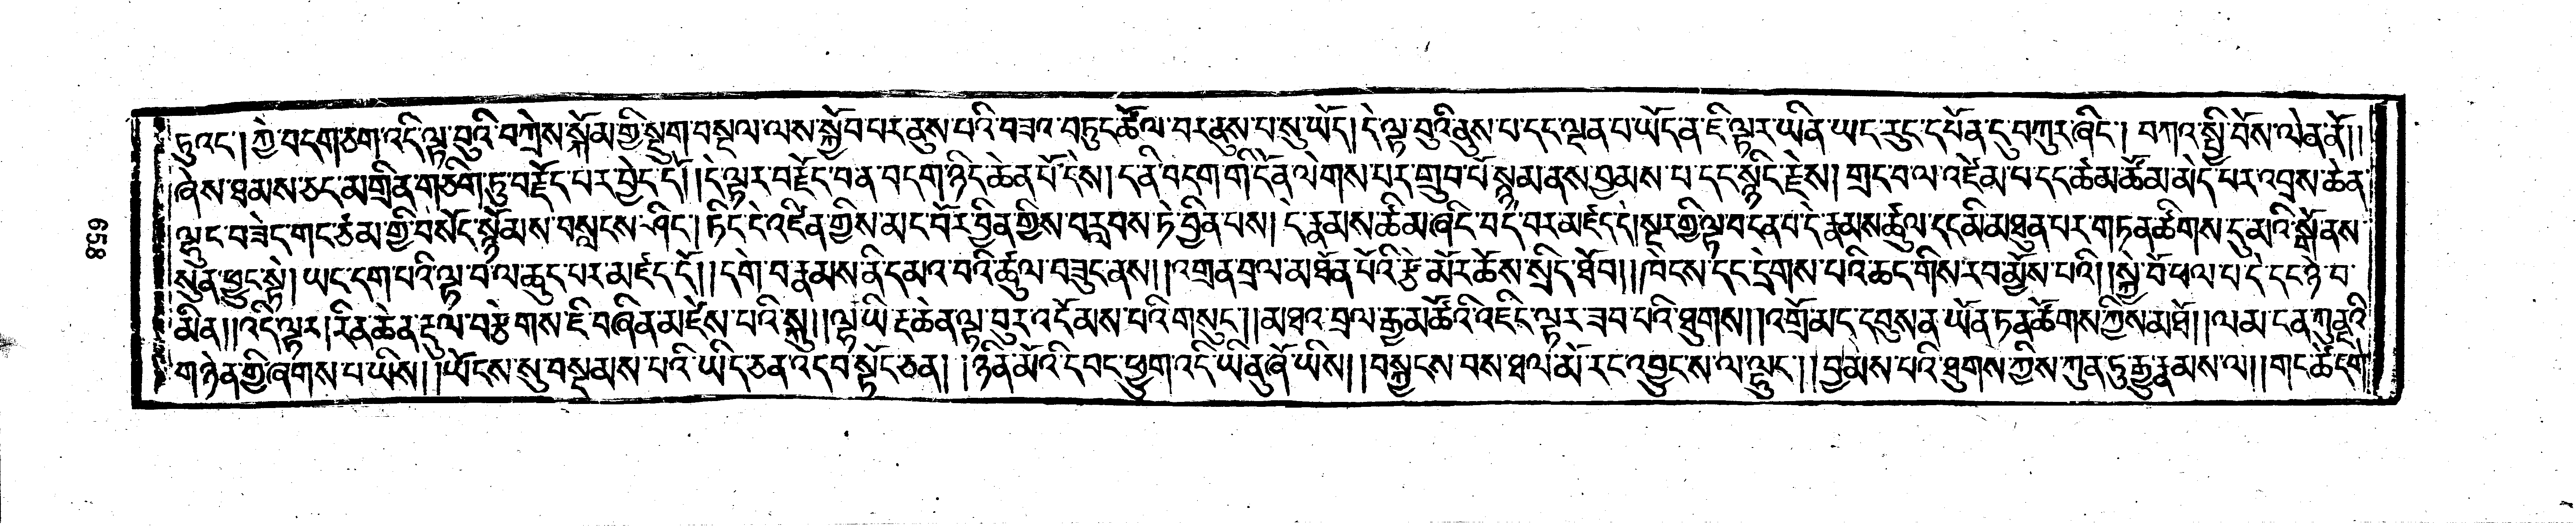ཏུའང་། ཀྱེ་བདག་ཅག་འདི་ལྟ་བུའི་བཀྲེས་སྐོམ་གྱི་སྡུག་བསྔལ་ལས་སྐྱོབ་པར་ནུས་པའི་བཟའ་བཏུང་ཚོལ་བར་ནུས་པ་སུ་ཡོད། དེ་ལྟ་བུའི་ནུས་པ་དང་ལྡན་པ་ཡོད་ན་ཇི་ལྟར་ཡིན་ཡང་རུང་དཔོན་དུ་བཀུར་ཞིང་། བཀའ་སྤྱི་བོས་ལེན་ནོ། །
ཞེས་ཐམས་ཅད་མགྲིན་གཅིག་ཏུ་བརྗོད་པར་བྱེད་དོ། །དེ་ལྟར་བརྗོད་པ་ན་བདག་ཉིད་ཆེན་པོ་དེས། ད་ནི་བདག་གི་དོན་ལེགས་པར་གྲུབ་བོ་སྙམ་ནས་བྱམས་པ་དང་སྙིང་རྗེས། གྲང་བ་ལ་འཛེམ་པ་དང་ཚམ་ཚོམ་མེད་པར་འབྲས་ཆེན་
ལྷུང་བཟེད་གང་ཙམ་གྱི་བསོད་སྙོམས་བསླངས་ཤིང་། ཏིང་ངེ་འཛིན་གྱིས་མང་པོར་བྱིན་གྱིས་བརླབས་ཏེ་བྱིན་པས། དེ་རྣམས་ཚིམ་ཞིང་བདེ་བར་མཛད་དེ། སྔར་གྱི་ལྟ་བ་ངན་པ་དེ་རྣམས་ཚུལ་དང་མི་མཐུན་པར་གཏན་ཚིགས་དུ་མའི་སྒོ་ནས་
སུན་ཕྱུང་སྟེ། ཡང་དག་པའི་ལྟ་བ་ལ་ཆུད་པར་མཛད་དོ། །དགེ་བ་རྣམས་ནི་དམའ་བའི་ཚུལ་བཟུང་ནས། །འགྲན་བྲལ་མཐོན་པོའི་རྩེ་མོར་ཆོས་སྲིད་ཐོབ། །ཁེངས་དང་དྲེགས་པའི་ཆང་གིས་རབ་མྱོས་པའི། །སྐྱེ་བོ་ཕལ་པ་དེ་དང་ཉེ་བ་
མིན། །འདི་ལྟར། རིན་ཆེན་རྡུལ་བརྩེགས་ཇི་བཞིན་མཛེས་པའི་སྐུ། །ལྷ་ཡི་རྔ་ཆེན་ལྟ་བུར་འདོམས་པའི་གསུང་། །མཐའ་བྲལ་རྒྱ་མཚོའི་འཇིང་ལྟར་ཟབ་པའི་ཐུགས། །འགྲོ་མང་དབུས་ན་ཡོན་ཏན་ཚོགས་ཀྱིས་མཐོ། །ལམ་ངན་ཀུནྡའི་
གཉེན་གྱི་ཞགས་པ་ཡིས། །ཡོངས་སུ་བསྡམས་པའི་ཡིད་ཅན་འདབ་སྟོང་ཅན། །ཉིན་མོའི་དབང་ཕྱུག་འདི་ཡི་ནུ་ཞོ་ཡིས། །བསྐྱངས་བས་ཐལ་མོ་རང་འབྱུང་ས་ལ་ལྷུང་། །བྱམས་པའི་ཐུགས་ཀྱིས་ཀུན་ཏུ་རྒྱུ་རྣམས་ལ། །གང་ཚེ་དགེ་